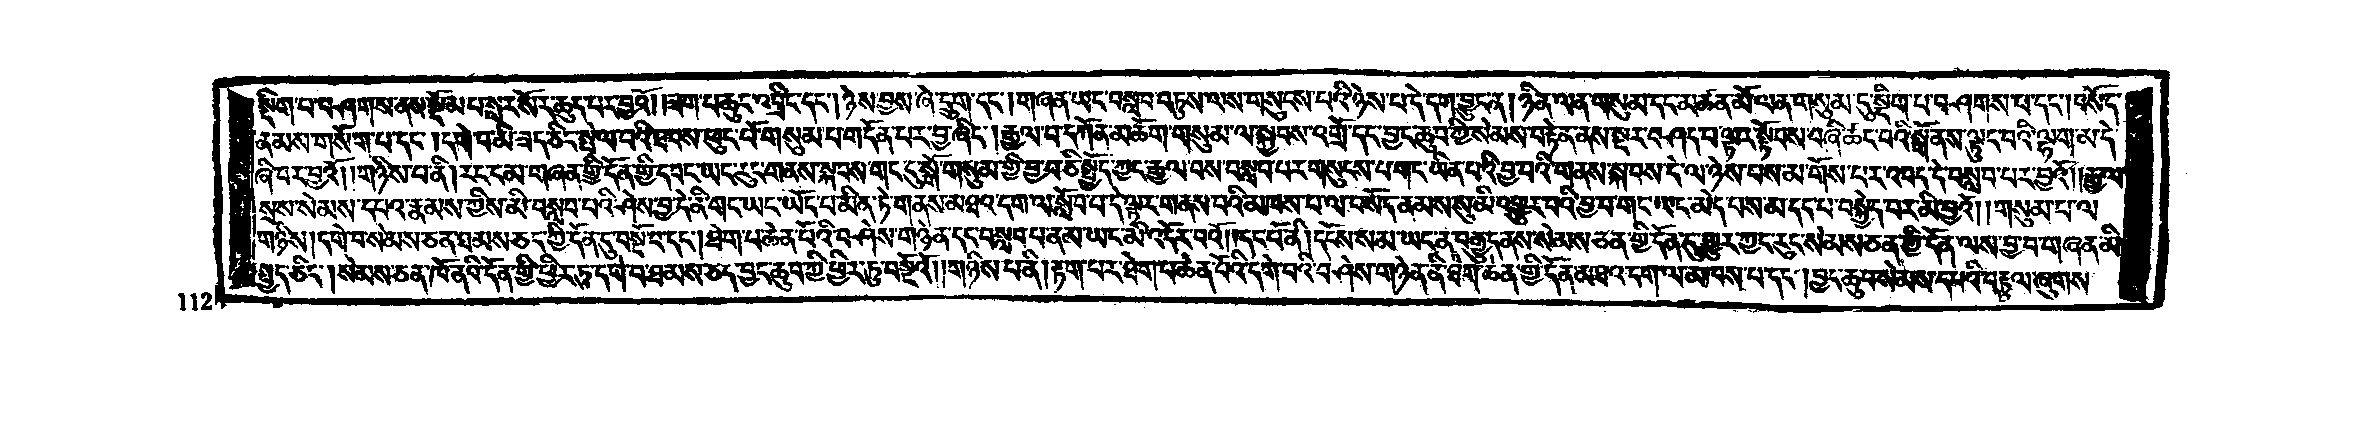སྡིག་པ་བཤགས་ནས་སྡོམ་པ་སླར་སོར་ཆུད་པར་བྱའོ། །ཟག་པ་ཆུང་འབྲིང་དང་། ཉེས་བྱས་ཞེ་དྲུག་དང་། གཞན་ཡང་བསླབ་བཏུས་ལས་གསུངས་པའི་ཉེས་པ་དེ་དག་བྱུང་ན། ཉིན་ལན་གསུམ་དང་མཚན་མོ་ལན་གསུམ་དུ་སྡིག་པ་བཤགས་པ་དང་། བསོད་
ནམས་གསོག་པ་དང་། དགེ་བ་མི་ཟད་ཅིང་སྤེལ་བའི་ཐབས་ཕུང་པོ་གསུམ་པ་གདོན་པར་བྱ་ཞིང་། རྒྱལ་བ་དཀོན་མཆོག་གསུམ་ལ་སྐྱབས་འགྲོ་དང་བྱང་ཆུབ་ཀྱི་སེམས་བརྟེན་ནས་སྡར་བཤད་པ་ལྟར་སྟོབས་བཞི་ཚང་བའི་སྒོ་ནས་ལྟུང་བའི་ལྷག་མ་དེ་
ཞི་བར་བྱའོ། །གཉིས་པ་ནི། རང་དམ་གཞན་གྱི་དོན་གྱི་དབང་ཡང་རུང་གནས་སྐབས་གང་དུ་སྒོ་གསུམ་གྱི་བྱ་བ་ཅི་སྤྱོད་ཀྱང་རྒྱལ་བས་བསླབ་པར་གསུངས་པ་གང་ཡིན་པའི་བྱ་བའི་གནས་སྐབས་དེ་ལ་ཉེས་པས་མ་གོས་པར་འབད་དེ་བསླབ་པར་བྱའོ། །རྒྱལ་
སྲས་སེམས་དཔའ་རྣམས་ཀྱིས་མི་བསླབ་པའི་ཤེས་བྱ་དེ་ནི་གང་ཡང་ཡོད་པ་མིན་ཏེ་གནས་མཐའ་དག་ལ་སློབ་པ་དེ་ལྟར་གནས་པའི་མཁས་པ་ལ་བསོད་ནམས་སུ་མི་འགྱུར་བའི་བྱ་བ་གང་ཡང་མེད་པས་མ་དད་པ་བསྐྱེད་པར་མི་བྱའོ། །གསུམ་པ་ལ་
གཉིས། དགེ་བ་སེམས་ཅན་ཐམས་ཅད་ཀྱི་དོན་དུ་བསྔོ་བ་དང་། ཐེག་པ་ཆེན་པོའི་བཤེས་གཉེན་དང་བསླབ་པ་ནམ་ཡང་མི་འདོར་བའོ། །དང་པོ་ནི། དངོས་སམ་ཡང་ན་བརྒྱུད་ནས་སེམས་ཅན་གྱི་དོན་དུ་གྱུར་ཀྱང་རུང་སེམས་ཅན་གྱི་དོན་ལས་བྱ་བ་གཞན་མི་
སྤྱད་ཅིང་། སེམས་ཅན་ཁོ་ནའི་དོན་གྱི་ཕྱིར་ཏུ་དགེ་བ་ཐམས་ཅད་བྱང་ཆུབ་ཀྱི་ཕྱིར་ཏུ་བསྔོའོ། །གཉིས་པ་ནི། རྟག་པར་ཐེག་པ་ཆེན་པོའི་དགེ་བའི་བཤེས་གཉེན་ནི་ཐེག་ཆེན་གྱི་དོན་མཐའ་དག་ལ་མཁས་པ་དང་། བྱང་ཆུབ་སེམས་དཔའི་བརྟུལ་ཞུགས་